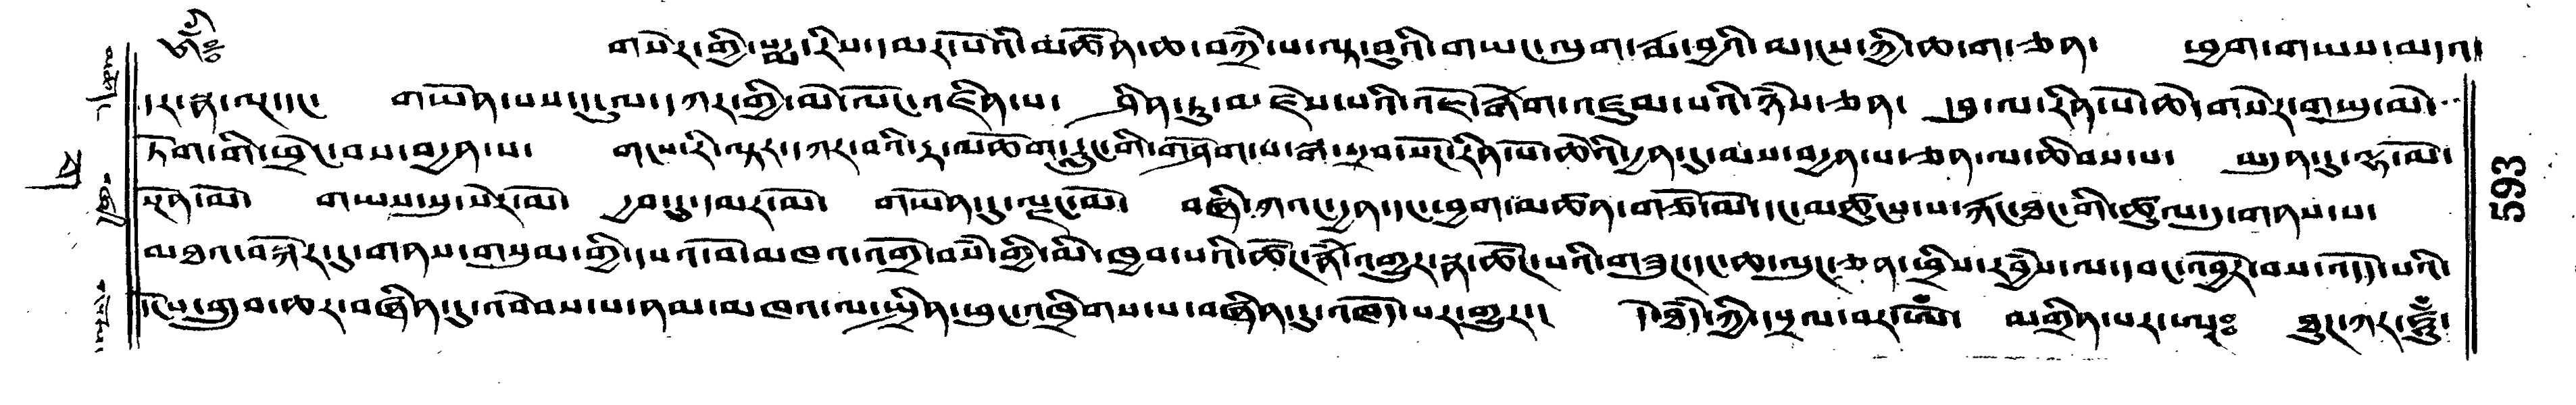གསེར་གྱི་པདྨ་རིས་དམར་པོའི་མཚོན་ཆ་བཀྲམ་པ་ལྟ་བུའི་གཡང་ལུག་རྨ་བྱའི་མདོངས་ཀྱི་ཆ་ག་ཅན། ཕྱག་གཡས་མདའ་
དར་སྣ་ལྔ་དང་། གཡོན་པས་དངུལ་དཀར་གྱི་མེ་ལོང་འཛིན་པ། ཤིན་ཏུ་མཛེས་པའི་འཇོ་སྒེག་འཛུམ་པའི་ཉམས་ཅན། དབུ་ལ་རིན་པོ་ཆེ་གསེར་གཡུ་མེ་
ཏོག་གི་ཕྲེང་བས་བརྒྱན་པ། གངས་རི་ལྟར་དཀར་བའི་རྟ་མཆོག་རླུང་གི་གཤོག་པ་སྒ་སྲབ་སོགས་རིན་པོ་ཆེའི་རྒྱན་དུ་མས་བརྒྱན་པ་ཅན་ལ་བཅེབས་པ། མདུན་དུ་ལྷ་མོ་
སྔོན་མོ། གཡས་སུ་སེར་མོ། རྒྱབ་དུ་དམར་མོ། གཡོན་དུ་ལྗང་མོ། བཞི་ཀའང་རྒྱན་དང་ཕྱག་མཚན་གཙོ་མོ་དང་མཚུངས་པ་རྐང་ཐང་གི་ཚུལ་དུ་གནས་པ། 
མཐའ་བསྐོར་དུ་གནས་གསུམ་གྱི་དཔའ་བོ་མཁའ་འགྲོ་བསམ་གྱིས་མི་ཁྱབ་པའི་ཚོགས་རྣམ་འགྱུར་སྣ་ཚོགས་པའི་གཟུགས་དང་ཆ་ལུགས་ཅན་ཕྲིན་ལས་རབ་འབྱམས་ལ་དབང་འབྱོར་བས་འདོད་པའི་
དངོས་གྲུབ་ཆར་བཞིན་དུ་འབེབས་པ་ནམ་མཁའ་ལ་སྤྲིན་ཕུང་འཁྲིགས་པ་བཞིན་དུ་འཁོར་པར་གྱུར། དེ་ཐམས་ཅད་ཀྱི་དཔྲལ་བར་ཨོཾ། མགྲིན་པར་ཨཱཿ ཐུགས་ཀར་ཧཱུྃ། ༼